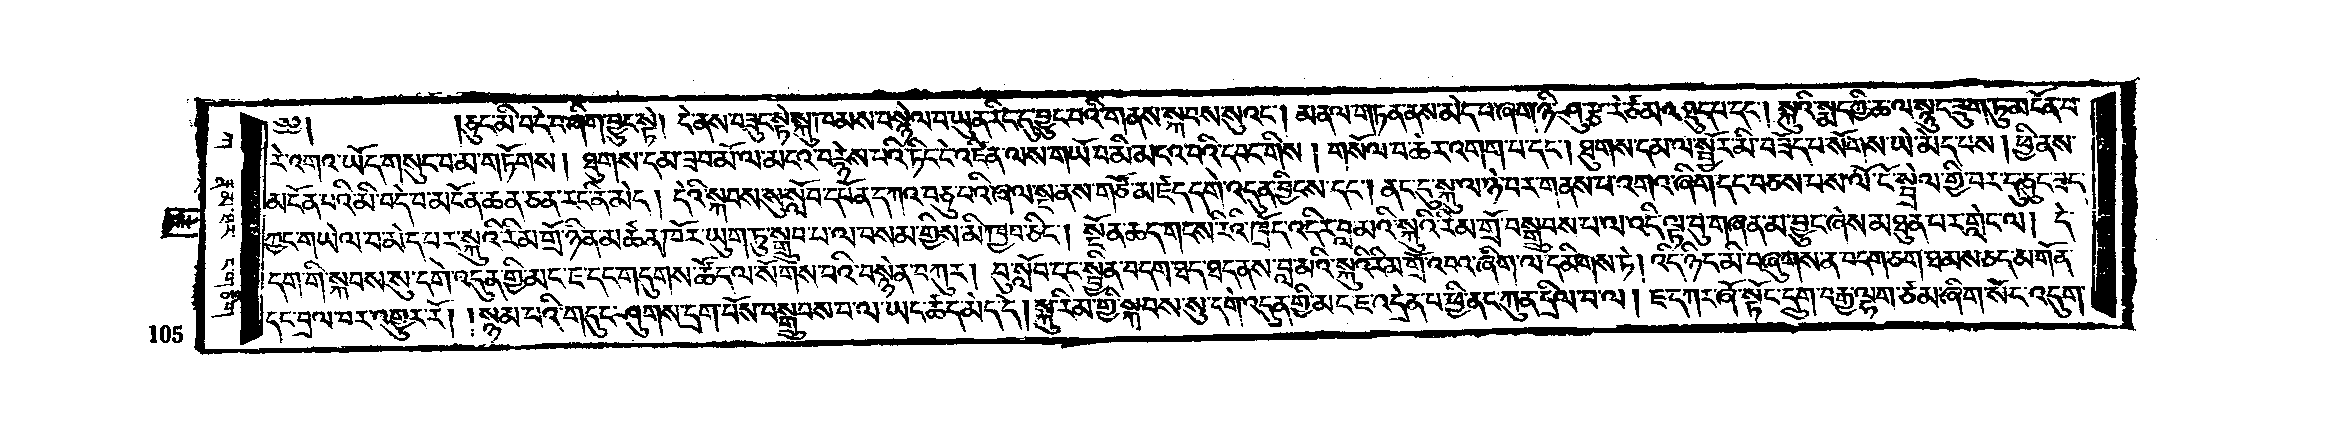༄༅། །ཅུང་མི་བདེ་བ་ཞིག་བྱུང་སྟེ། དེ་ནས་བཟུང་སྟེ་སྐུ་ཁམས་བསྙེལ་བ་ཡུན་རིང་དུ་བྱུང་བའི་གནས་སྐབས་སུའང་། མནལ་གཏན་ནས་མེད་པ་ཞག་ཉི་ཤུ་རྩ་རེ་ཙམ་འཐུད་པ་དང་། སྐུའི་སྨད་ཀྱི་ཆ་ལ་སྙུང་ཟུག་ཏུ་མངོན་པ་
རེ་འགའ་ཡོད་གསུང་བ་མ་གཏོགས། ཐུགས་དམ་ཟབ་མོ་ལ་མངའ་བརྙེས་པའི་ཏིང་ངེ་འཛིན་ལས་གཡོ་བ་མི་མངའ་བའི་དབང་གིས། གསོལ་བ་ཆེར་འགག་པ་དང་། ཐུགས་དམ་ལ་སྦྱོར་མི་བཟོད་པ་སོགས་ཡེ་མེད་པས། ཕྱི་ནས་
མངོན་པའི་མི་བདེ་བ་མངོན་ཆན་ཅན་རང་ནི་མེད། དེའི་སྐབས་སུ་སློབ་དཔོན་དཀའ་བཅུ་པའི་ཞལ་སྔ་ནས་གཙོ་མཛད་དགེ་འདུན་བྱིངས་དང་། ནང་དུ་སྐུ་ལ་ཉེ་བར་གནས་པ་འགའ་ཞིག་དང་བཅས་པས་ལོ་ངོ་སྦྲེལ་གྱི་བར་དུ་ཅུང་ཟད་
ཀྱང་གཡེལ་བ་མེད་པར་སྐུའི་རིམ་གྲོ་ཉིན་མཚན་ཁོར་ཡུག་ཏུ་སྒྲུབ་པ་ལ་བསམ་གྱིས་མི་ཁྱབ་ཅིང་། སྔོན་ཆད་གངས་རིའི་ཁྲོད་འདིར་བླ་མའི་སྐུའི་རིམ་གྲོ་བསྒྲུབས་པ་ལ་འདི་ལྟ་བུ་གཞན་མ་བྱུང་ཞེས་མཐུན་པར་གླེང་ལ། དེ་
དག་གི་སྐབས་སུ་དགེ་འདུན་གྱི་མང་ཇ་དང་གདུགས་ཚོད་ལ་སོགས་པའི་བསྙེན་བཀུར། བུ་སློབ་དང་སྦྱིན་བདག་ཐད་ཐད་ནས་བླ་མའི་སྐུའི་རིམ་གྲོ་འབའ་ཞིག་ལ་དམིགས་ཏེ། འདི་ཉིད་མི་བཞུགས་ན་བདག་ཅག་ཐམས་ཅད་མགོན་
དང་བྲལ་བར་འགྱུར་རོ། །སྙམ་པའི་གདུང་ཤུགས་དྲག་པོས་བསྒྲུབས་པ་ལ་ཡང་ཚད་མེད་དེ། སྐུ་རིམ་གྱི་སྐབས་སུ་དགེ་འདུན་གྱི་མང་ཇ་འདྲེན་པ་ཕྱི་ནང་ཀུན་དྲིལ་བ་ལ། ཇ་དཀར་ཞོ་སྟོང་དྲུག་བརྒྱ་ལྷག་ཙམ་ཞིག་སོང་འདུག་